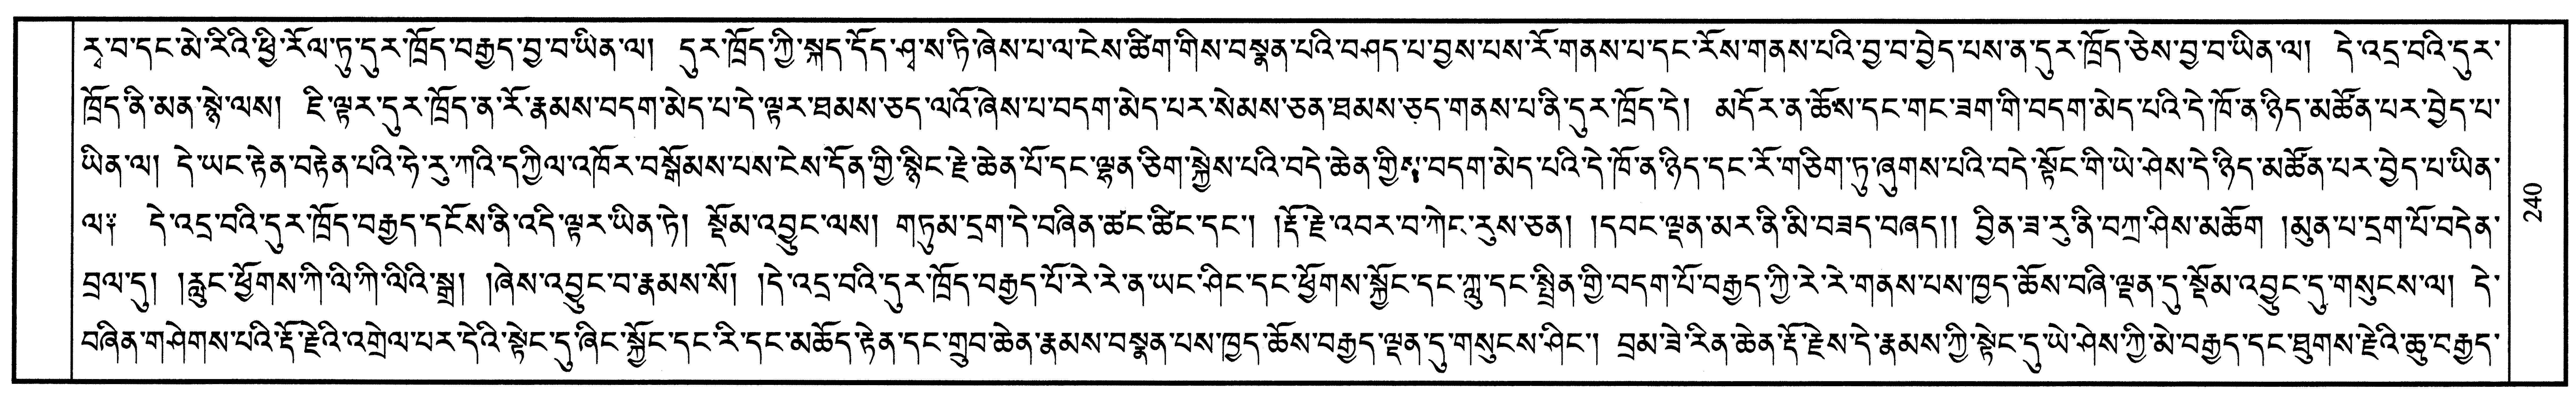རྭ་བ་དང་མེ་རིའི་ཕྱི་རོལ་ཏུ་དུར་ཁྲོད་བརྒྱད་བྱ་བ་ཡིན་ལ། དུར་ཁྲོད་ཀྱི་སྐད་དོད་ཤྭ་ས་ཏི་ཞེས་པ་ལ་ངེས་ཚིག་གིས་བསྣན་པའི་བཤད་པ་བྱས་པས་རོ་གནས་པ་དང་རོས་གནས་པའི་བྱ་བ་བྱེད་པས་ན་དུར་ཁྲོད་ཅེས་བྱ་བ་ཡིན་ལ། དེ་འདྲ་བའི་དུར་
ཁྲོད་ནི་མན་སྟེ་སྙེ་ལས། ཇི་ལྟར་དུར་ཁྲོད་ན་རོ་རྣམས་བདག་མེད་པ་དེ་ལྟར་ཐམས་ཅད་ལའོ་ཞེས་པ་བདག་མེད་པར་སེམས་ཅན་ཐམས་ཅད་གནས་པ་ནི་དུར་ཁྲོད་དེ། མདོར་ན་ཆོས་དང་གང་ཟག་གི་བདག་མེད་པའི་དེ་ཁོ་ན་ཉིད་མཚོན་པར་བྱེད་པ་
ཡིན་ལ། དེ་ཡང་རྟེན་བརྟེན་པའི་ཧེ་རུ་ཀའི་དཀྱིལ་འཁོར་བསྒོམས་པས་ངེས་དོན་གྱི་སྙིང་རྗེ་ཆེན་པོ་དང་ལྷན་ཅིག་སྐྱེས་པའི་བདེ་ཆེན་གྱིས་བདག་མེད་པའི་དེ་ཁོ་ན་ཉིད་དང་རོ་གཅིག་ཏུ་ཞུགས་པའི་བདེ་སྟོང་གི་ཡེ་ཤེས་དེ་ཉིད་མཚོན་པར་བྱེད་པ་ཡིན་
ལ༑ དེ་འདྲ་བའི་དུར་ཁྲོད་བརྒྱད་དངོས་ནི་འདི་ལྟར་ཡིན་ཏེ། སྡོམ་འབྱུང་ལས། གཏུམ་དྲག་དེ་བཞིན་ཚང་ཚིང་དང་། །རྡོ་རྗེ་འབར་བ་ཀེང་རུས་ཅན། །དབང་ལྡན་མར་ནི་མི་བཟད་བཞད།། བྱིན་ཟ་རུ་ནི་བཀྲ་ཤིས་མཆོག །མུན་པ་དྲག་པོ་བདེན་
བྲལ་དུ། །རླུང་ཕྱོགས་ཀི་ལི་ཀི་ལིའི་སྒྲ། །ཞེས་འབྱུང་བ་རྣམས་སོ། །དེ་འདྲ་བའི་དུར་ཁྲོད་བརྒྱད་པོ་རེ་རེ་ན་ཡང་ཤིང་དང་ཕྱོགས་སྐྱོང་དང་ཀླུ་དང་སྤྲིན་གྱི་བདག་པོ་བརྒྱད་ཀྱི་རེ་རེ་གནས་པས་ཁྱད་ཆོས་བཞི་ལྡན་དུ་སྡོམ་འབྱུང་དུ་གསུངས་ལ། དེ་
བཞིན་གཤེགས་པའི་རྡོ་རྗེའི་འགྲེལ་པར་དེའི་སྟེང་དུ་ཞིང་སྐྱོང་དང་རི་དང་མཆོད་རྟེན་དང་གྲུབ་ཆེན་རྣམས་བསྣན་པས་ཁྱད་ཆོས་བརྒྱད་ལྡན་དུ་གསུངས་ཤིང་། བྲམ་ཟེ་རིན་ཆེན་རྡོ་རྗེས་དེ་རྣམས་ཀྱི་སྟེང་དུ་ཡེ་ཤེས་ཀྱི་མེ་བརྒྱད་དང་ཐུགས་རྗེའི་ཆུ་བརྒྱད་